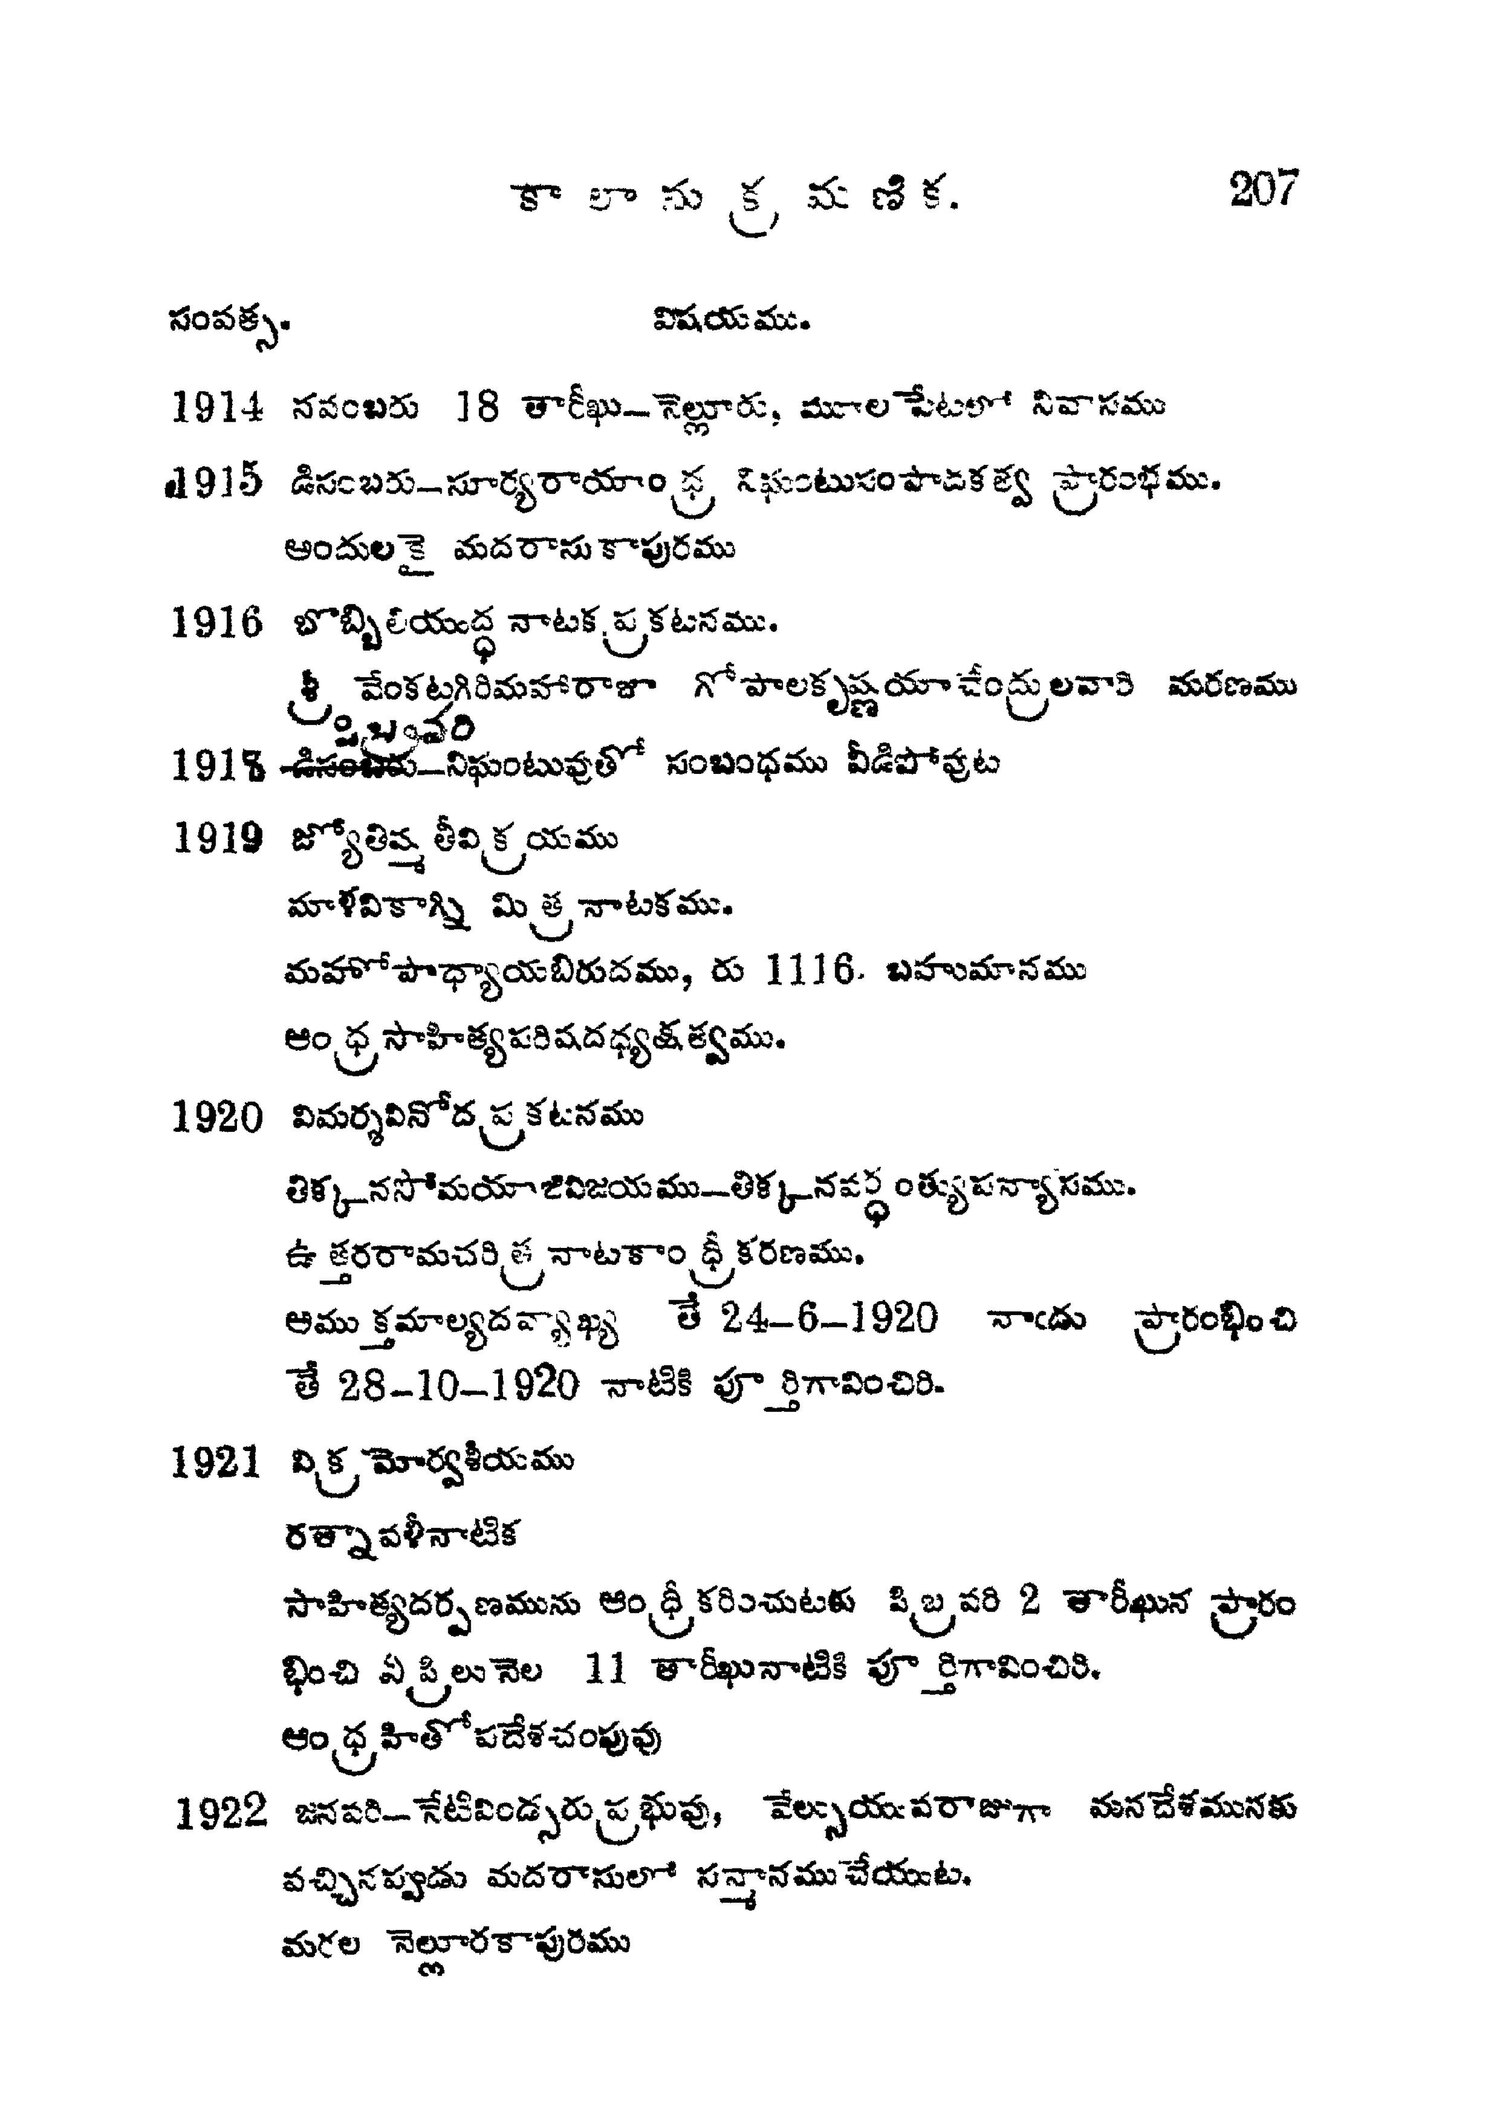1914 నవంబరు 18 తారీఖు-నెల్లూరు, మూలపేటలో నివాసము.
1915 డిసంబరు-సూర్యరాయాంధ్ర నిఘంటుసంపాదకత్వ ప్రాంభము.
 అందులకై మదరాసు కాపురము
1916 బొబ్బిలియుద్ధ నాటకప్రకటనము.
 శ్రీ వేంకటగిరిమహారాజా గోపాలకృష్ణయాచేంద్రులవారి మరణము
1918 పిబ్రవరి నిఘంటువుతో సంబంధము వీడిపోవుట
1919 జ్యోతిష్మతీవిక్రయము
 మాళవికాగ్ని మిత్రనాటకము.
 మహోపాధ్యాయబిరుదము, రు 1116. బహుమానము
 ఆంధ్రసాహిత్యపరిషదధ్యక్షత్వము.
1920 విమర్శవినోదప్రకటనము
 తిక్కనసోమయాజివిజయము-తిక్కనవర్ధంత్యుపన్యాసము.
 ఉత్తరరామచరిత్రనాటకాంధ్రీకరణము.
 ఆముక్తమాల్యదవ్యాఖ్య తే 24-6-1920 నాడు ప్రారంభించి
 తే 28-10-1920 నాటికి పూర్తిగావించిరి.
1921 విక్రమోర్వశీయము
 రత్నావళీనాటిక
 సాహిత్యదర్పణమును ఆంధ్రీకరించుటకు పిబ్రవరి 2 తారీఖున ప్రారం
 భించి ఏప్రిలునెల 11 తారీఖునాటికి పూర్తిగావించిరి.
 ఆంధ్రహితోపదేశచంపువు
1922 జనవరి-నేటివిండ్సరుప్రభువు, వేల్సుయువరాజుగా మనదేశముంకు 
 వచ్చినప్పుడు మదరాసులో సన్మానము చేయుట.
 మరల నెల్లూరుకాపురము